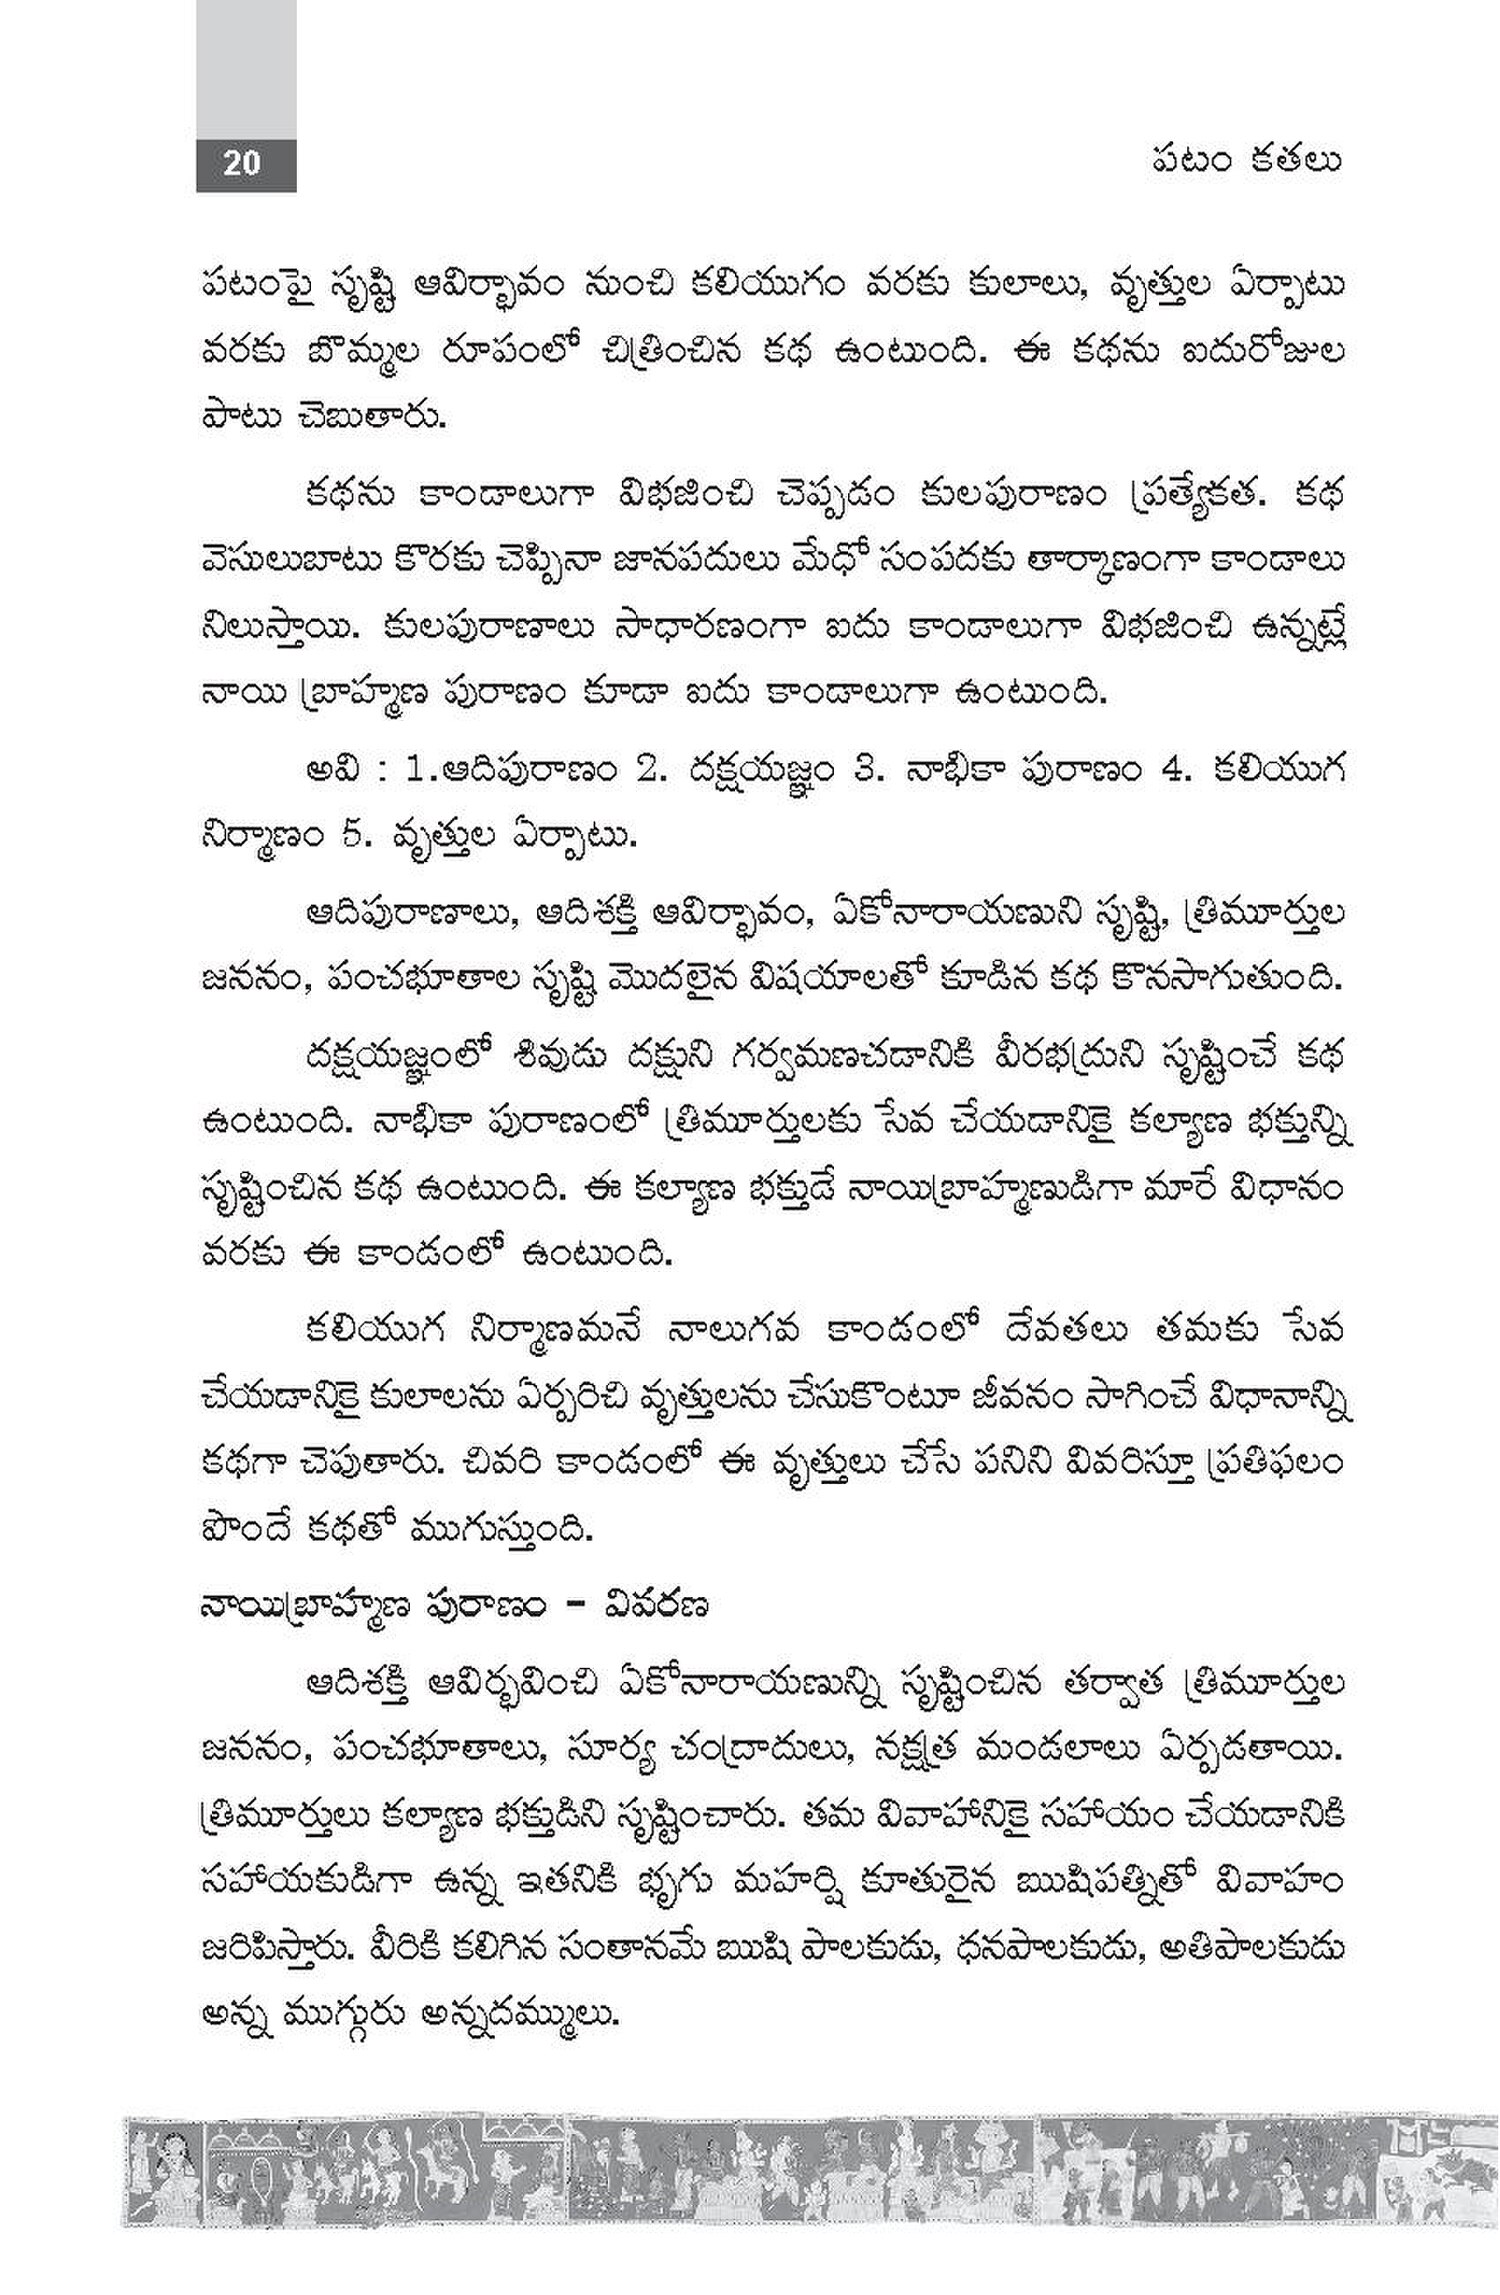పటంపై సృష్టి ఆవిర్భావం నుంచి కలియుగం వరకు కులాలు, వృత్తుల ఏర్పాటు వరకు బొమ్మల రూపంలో చిత్రించిన కథ ఉంటుంది. ఈ కథను ఐదురోజుల పాటు చెబుతారు.

కథను కాండాలుగా విభజించి చెప్పడం కులపురాణం ప్రత్యేకత. కథ వెసులుబాటు కొరకు చెప్పినా జానపదులు మేధో సంపదకు తార్కాణంగా కాండాలు నిలుస్తాయి. కులపురాణాలు సాధారణంగా ఐదు కాండాలుగా విభజించి ఉన్నట్లే
నాయి బ్రాహ్మణ పురాణం కూడా ఐదు కాండాలుగా ఉంటుంది.

అవి : 1. ఆదిపురాణం 2. దక్షయజ్ఞం 3. నాభికా పురాణం 4. కలియుగ నిర్మాణం 5. వృత్తుల ఏర్పాటు.

ఆదిపురాణాలు, ఆదిశక్తి ఆవిర్భావం, ఏకోనారాయణుని సృష్టి, త్రిమూర్తుల జననం, పంచభూతాల సృష్టి మొదలైన విషయాలతో కూడిన కథ కొనసాగుతుంది.

దక్షయజ్ఞంలో శివుడు దక్షుని గర్వమణచడానికి వీరభద్రుని సృష్టించే కథ ఉంటుంది. నాభికా పురాణంలో త్రిమూర్తులకు సేవ చేయడానికై కల్యాణ భక్తున్ని సృష్టించిన కథ ఉంటుంది. ఈ కల్యాణ భక్తుడే నాయిబ్రాహ్మణుడిగా మారే విధానం
వరకు ఈ కాండంలో ఉంటుంది.

కలియుగ నిర్మాణమనే నాలుగవ కాండంలో దేవతలు తమకు సేవ చేయడానికై కులాలను ఏర్పరిచి వృత్తులను చేసుకొంటూ జీవనం సాగించే విధానాన్ని కథగా చెపుతారు. చివరి కాండంలో ఈ వృత్తులు చేసే పనిని వివరిస్తూ ప్రతిఫలం పొందే కథతో ముగుస్తుంది.

నాయిబ్రాహ్మణ పురాణం - వివరణ 

ఆదిశక్తి ఆవిర్భవించి ఏకోనారాయణున్ని సృష్టించిన తర్వాత త్రిమూర్తుల జననం, పంచభూతాలు, సూర్య చంద్రాదులు, నక్షత్ర మండలాలు ఏర్పడతాయి. త్రిమూర్తులు కల్యాణ భక్తుడిని సృష్టించారు. తమ వివాహానికై సహాయం చేయడానికి
సహాయకుడిగా ఉన్న ఇతనికి భృగు మహర్షి కూతురైన ఋషిపత్నితో వివాహం జరిపిస్తారు. వీరికి కలిగిన సంతానమే ఋషి పాలకుడు, ధనపాలకుడు, అతిపాలకుడు అన్న ముగ్గురు అన్నదమ్ములు.